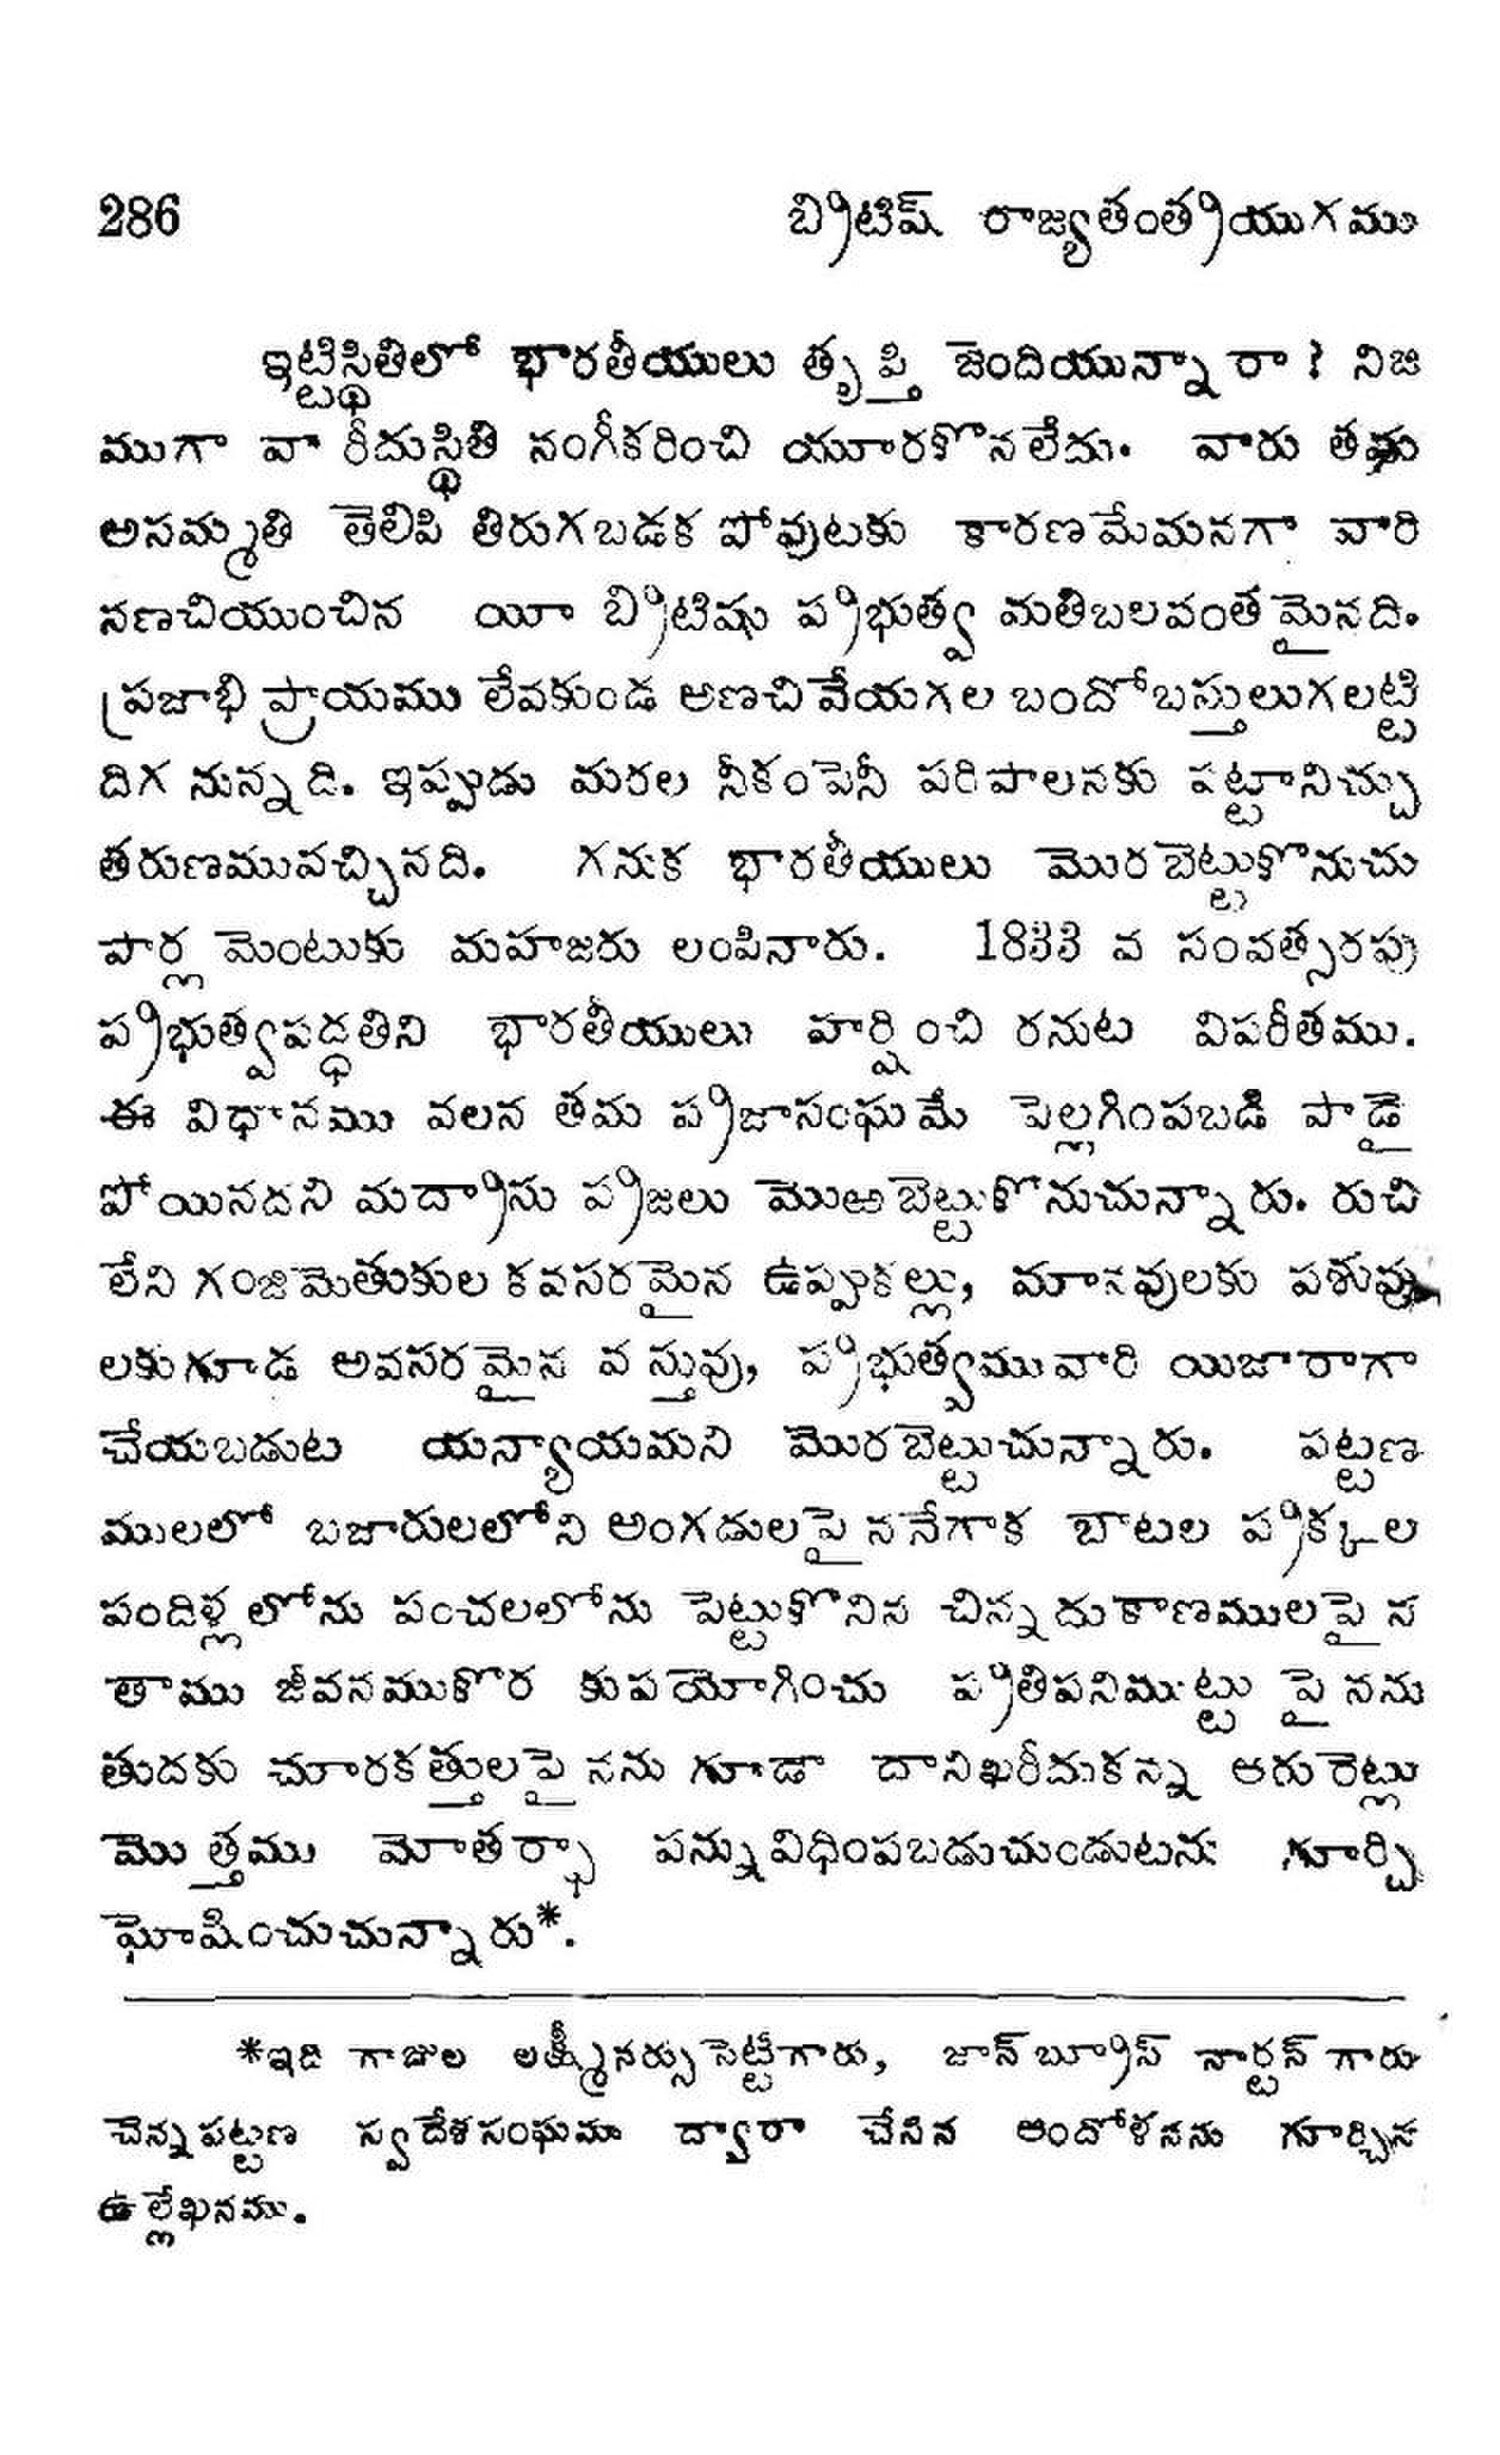ఇట్టిస్థితిలో భారతీయులు తృప్తి జెందియున్నారా ? నిజముగా వా రీదుస్థితి నంగీకరించి యూరకొనలేదు. వారు తమ అసమ్మతి తెలిపి తిరుగబడక పోవుటకు కారణమేమనగా వారి నణచియుంచిన యీ బ్రిటిషు ప్రభుత్వ మతిబలవంతమైనది. ప్రజాభిప్రాయము లేవకుండ అణచివేయగల బందోబస్తులుగలట్టిదిగ నున్నది. ఇప్పుడు మరల నీకంపెనీ పరిపాలనకు పట్టానిచ్చు తరుణమువచ్చినది. గనుక భారతీయులు మొరబెట్టుకొనుచు పార్ల మెంటుకు మహజరు లంపినారు. 1833 వ సంవత్సరపు ప్రభుత్వపద్ధతిని భారతీయులు హర్షించి రనుట విపరీతము.
ఈ విధానము వలన తమ ప్రజాసంఘమే పెల్లగింపబడి పాడై పోయినదని మద్రాసు ప్రజలు మొఱబెట్టుకొనుచున్నారు. రుచిలేని గంజిమెతుకుల కవసరమైన ఉప్పుకల్లు, మానవులకు పశువులకుగూడ అవసరమైన వస్తువు, ప్రభుత్వము వారి యిజారాగా చేయబడుట యన్యాయమని మొరబెట్టుచున్నారు. పట్టణములలో బజారులలోని అంగడులపైననేగాక బాటల ప్రక్కల పందిళ్లలోను పంచలలోను పెట్టుకొనిన చిన్నదుకాణములపైన తాము జీవనముకొర కుపయోగించు ప్రతిపనిముట్టు పైనను తుదకు చూరకత్తులపైనను గూడా దానిఖరీదుకన్న ఆరురెట్లు మొత్తము మోతర్ఫా పన్నువిధింపబడుచుండుటను గూర్చి ఘోషించుచున్నారు.